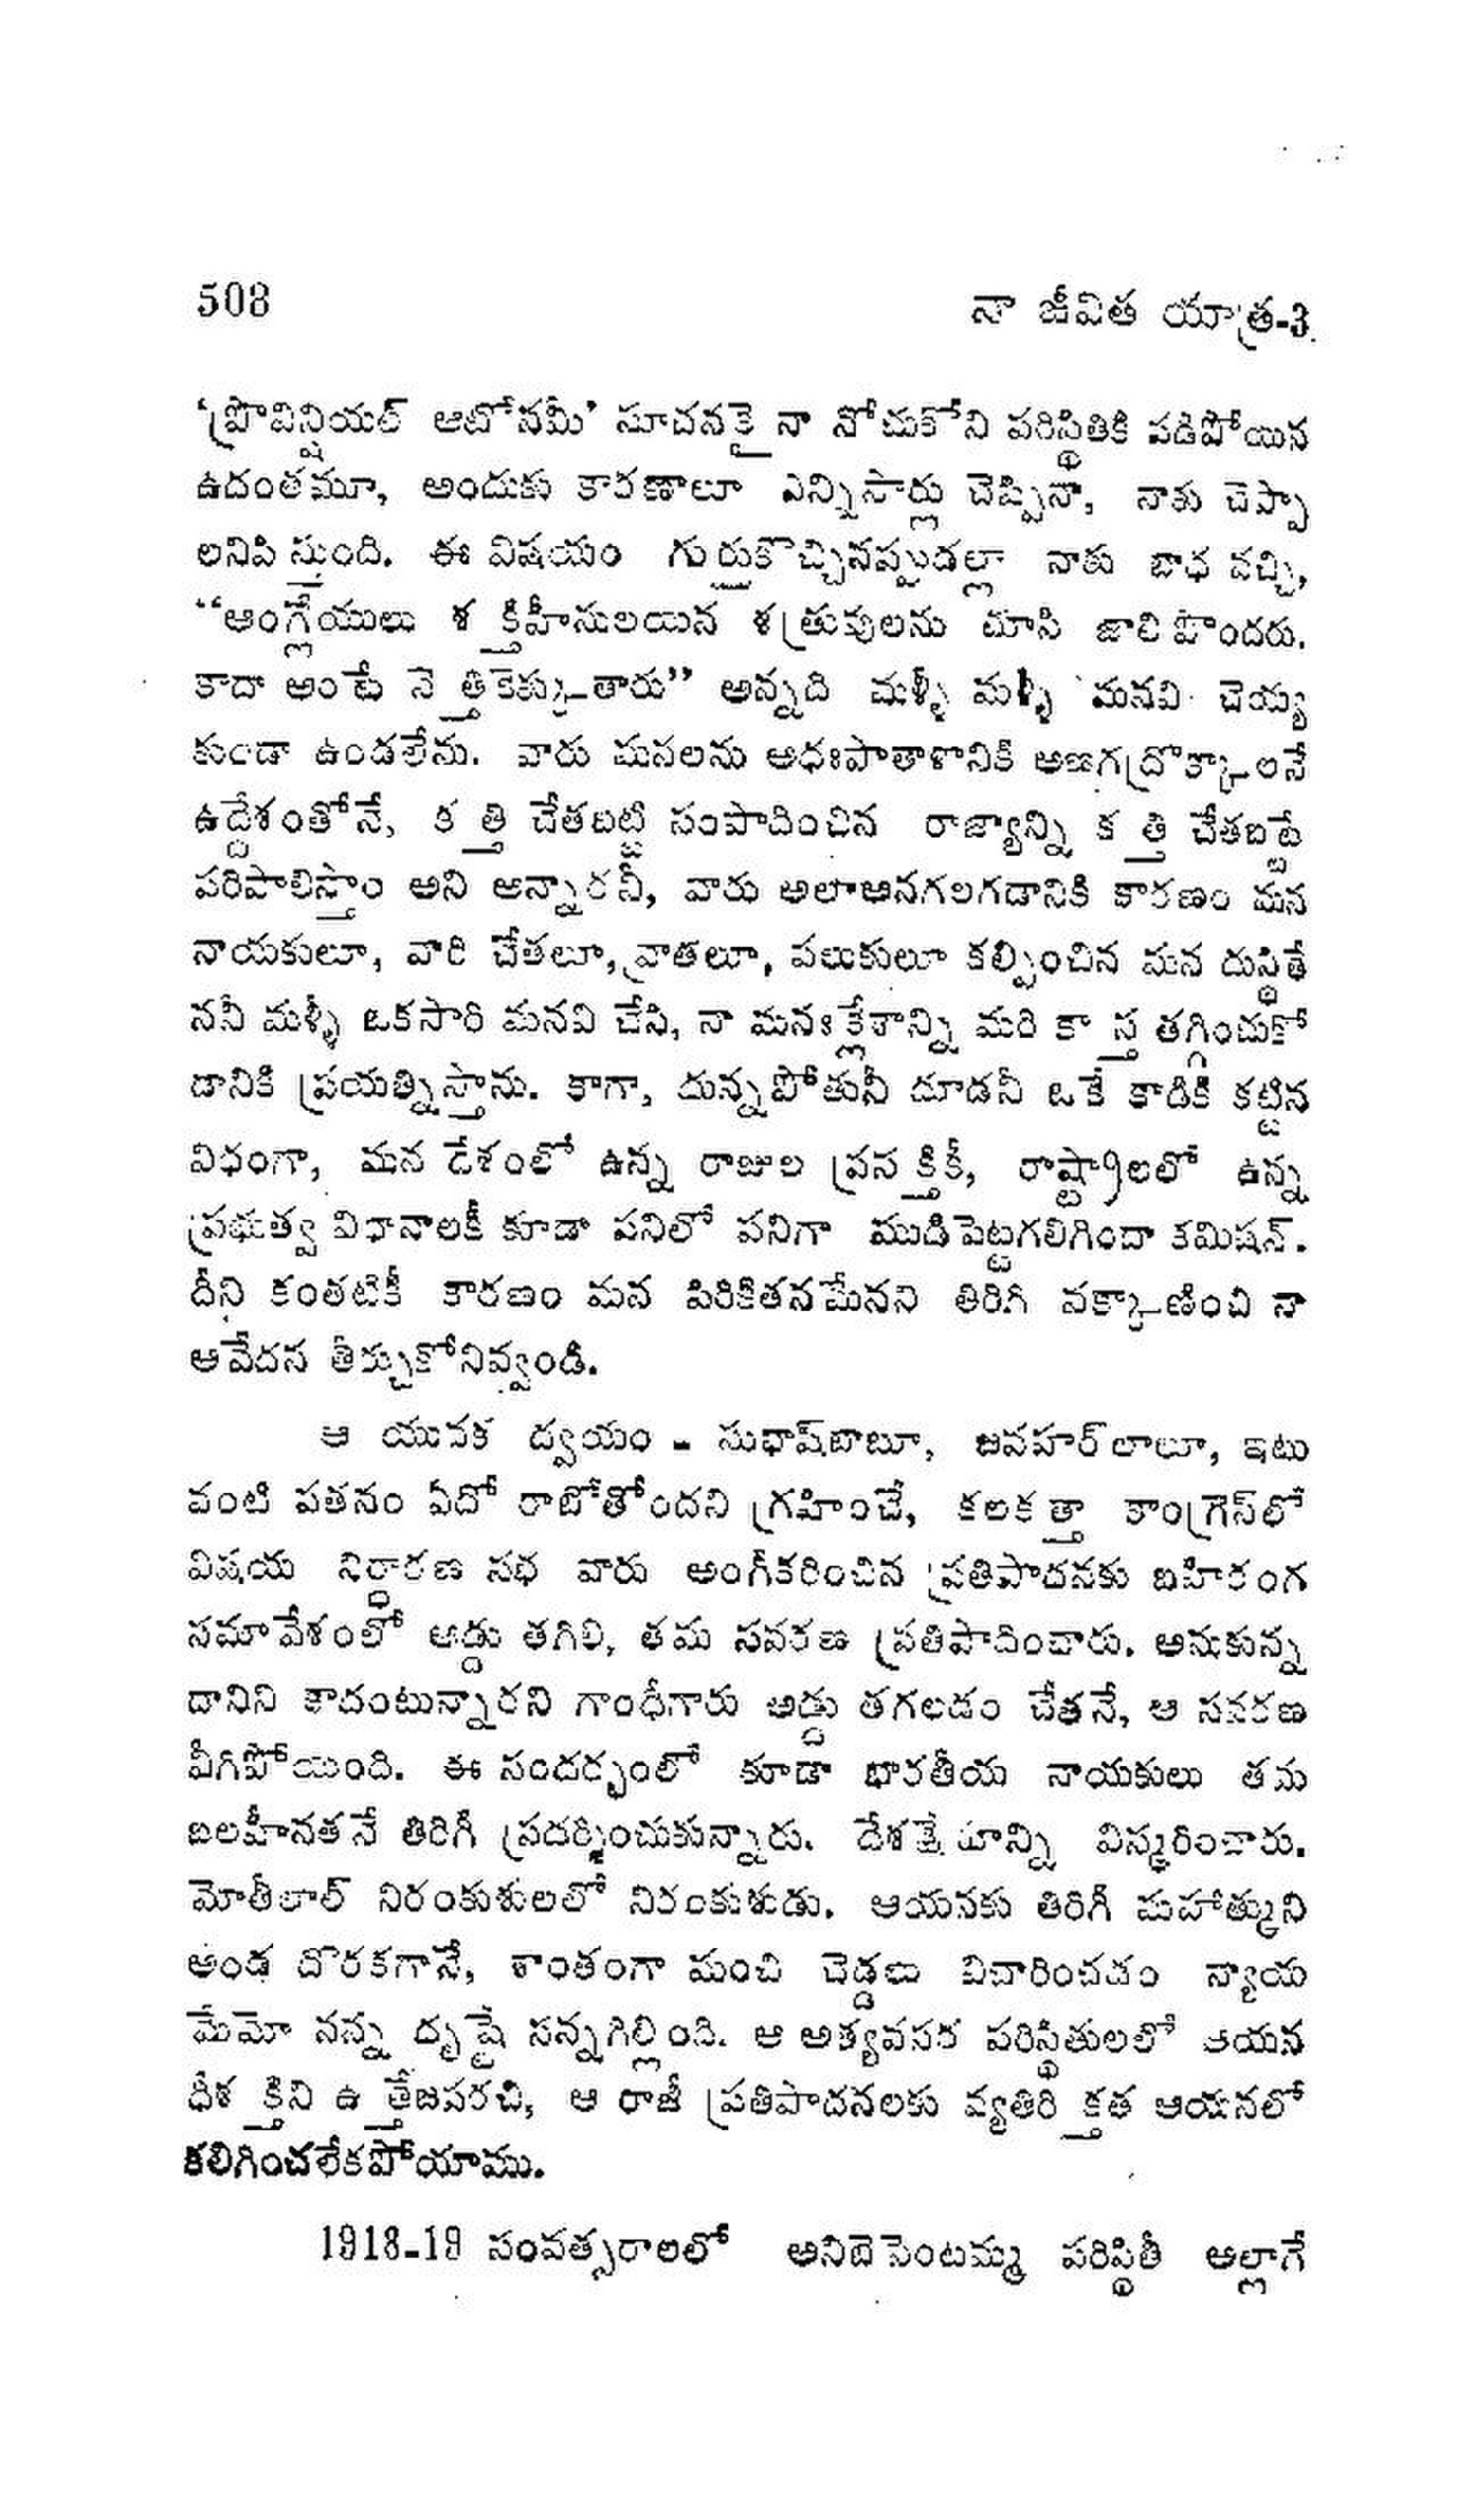'ప్రొవిన్షియల్ ఆటోనమీ' సూచనకైనా నోచుకోని పరిస్థితికి పడిపోయిన ఉదంతమూ, అందుకు కారణాలూ ఎన్నిసార్లు చెప్పినా, నాకు చెప్పాలనిపిస్తుంది. ఈ విషయం గుర్తుకొచ్చినప్పుడల్లా నాకు బాధ వచ్చి, "ఆంగ్లేయులు శక్తిహీనులయిన శత్రువులను చూసి జాలి పొందరు. కాదా అంటే నెత్తికెక్కుతారు" అన్నది మళ్ళీ మళ్ళీ మనవి చెయ్యకుండా ఉండలేను. వారు మనలను అధ:పాతాళానికి అణగద్రొక్కాలనే ఉద్దేశంతోనే, కత్తి చేతబట్టి సంపాదించిన రాజ్యాన్ని కత్తి చేతబట్టే పరిపాలిస్తాం అని అన్నారనీ, వారు అలాఅనగలగడానికి కారణం మన నాయకులూ, వారి చేతలూ, వ్రాతలూ, పలుకులూ కల్పించిన మన దుస్థితేనని మళ్ళీ ఒకసారి మనవి చేసి, నా మన:క్లేశాన్ని మరి కాస్త తగ్గించుకోడానికి ప్రయత్నిస్తాను. కాగా, దున్న పోతునీ దూడనీ ఒకే కాడికి కట్టిన విధంగా, మన దేశంలో ఉన్న రాజుల ప్రసక్తికీ, రాష్ట్రాలలో ఉన్న ప్రభుత్వ విధానాలకీ కూడా పనిలో పనిగా ముడిపెట్టగలిగిందా కమిషన్. దీని కంతటికి కారణం మన పిరికితనమేనని తిరిగి వక్కాణించి నా ఆవేదన తీర్చుకోనివ్వండి.

ఆ యువక ద్వయం - సుభాష్‌బాబూ, జవహర్‌బాబూ, ఇటువంటి పతనం ఏదో రాబోతోందని గ్రహించే, కలకత్తా కాంగ్రెస్‌లో విషయ నిర్ధారణ సభ వారు అంగీకరించిన ప్రతిపాదనకు బహిరంగ సమావేశంలో అడ్డు తగిలి, తమ సవరణ ప్రతిపాదించారు. అనుకున్న దానిని కాదంటున్నారని గాంధీగారు అడ్డు తగలడం చేతనే, ఆ సవరణ వీగిపోయింది. ఈ సందర్భంలో కూడా భారతీయ నాయకులు తమ బలహీనతనే తిరిగీ ప్రదర్శించుకున్నారు. దేశక్షేమాన్ని విస్మరించారు. మోతీలాల్ నిరంకుశులలో నిరంకుశుడు. ఆయనకు తిరిగీ మహాత్ముని అండ దొరకగానే, శాంతంగా మంచి చెడ్డలు విచారించడం న్యాయమేమో అన్న దృష్టే సన్నగిల్లింది. ఆ అత్యవసర పరిస్థితులలో ఆయన ధీశక్తిని ఉత్తేజపరచి, ఆ రాజీ ప్రతిపాదనలకు వ్యతిరిక్తత ఆయనలో కలిగించలేకపోయాము.

1918 - 19 సంవత్సరాలలో అనిబిసెంటమ్మ పరిస్థితీ అల్లాగే